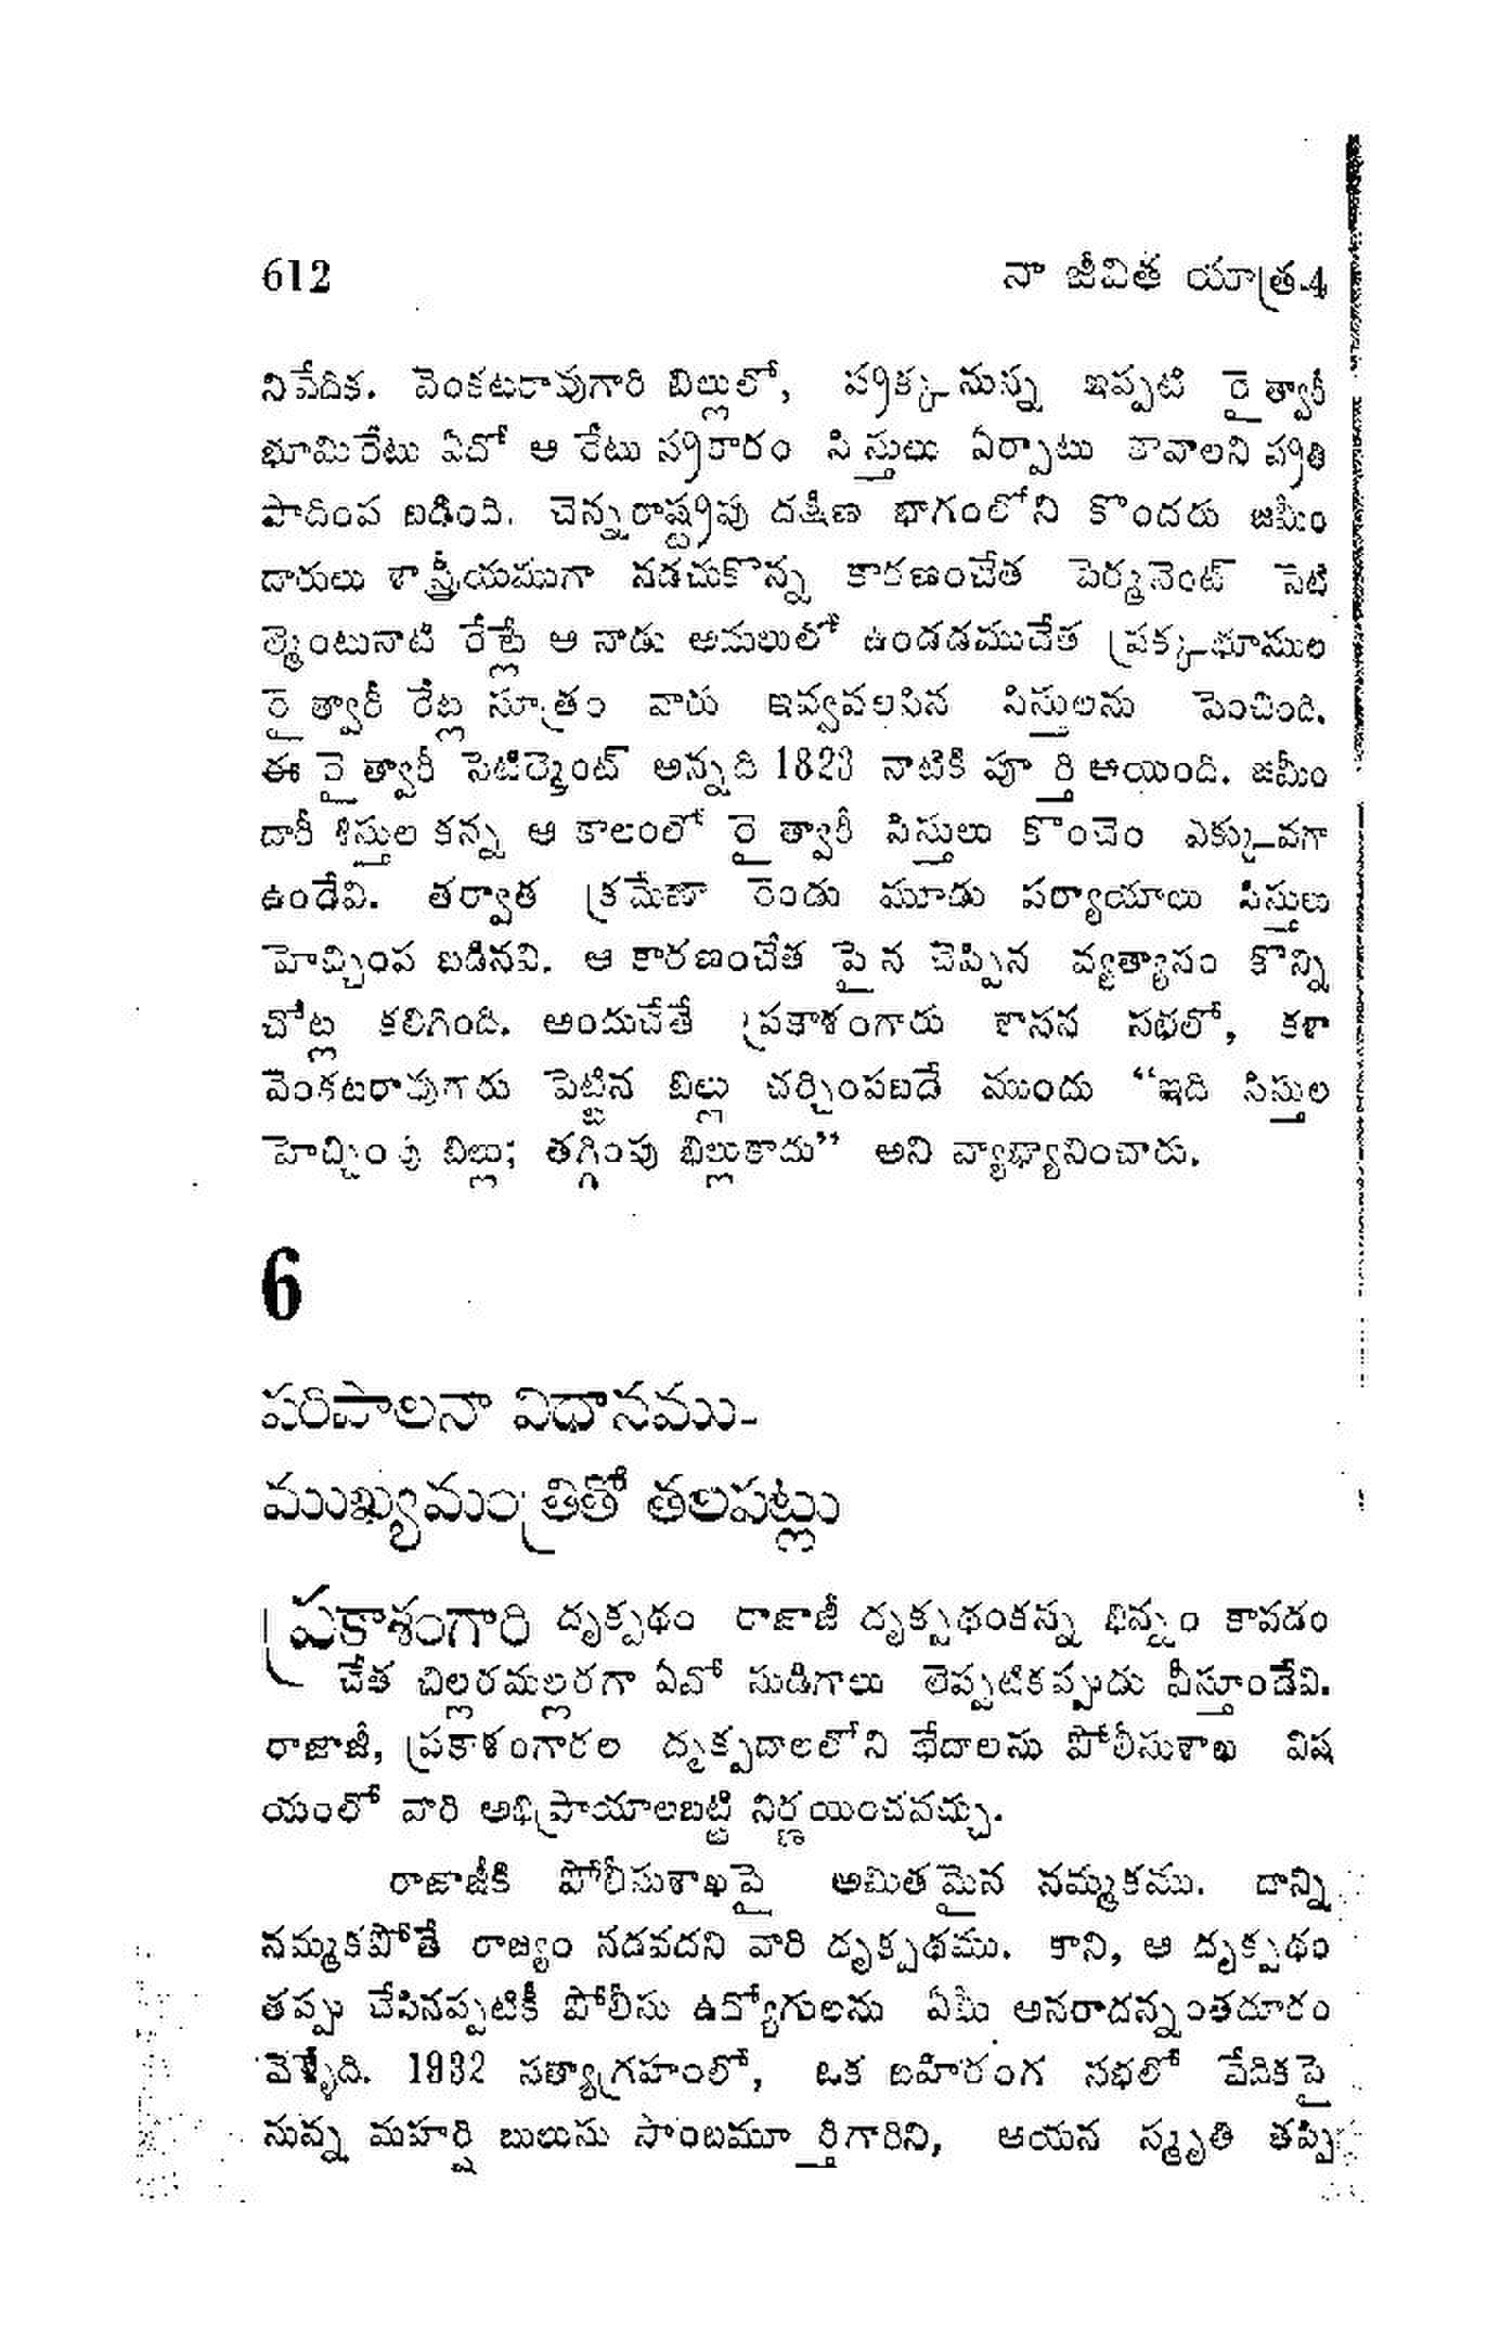నివేదిక. వెంకటరావుగారి బిల్లులో, ప్రక్కనున్న ఇప్పటి రైత్వారీ భూమిరేటు ఏదో అ రేటు ప్రకారం సిస్తులు ఏర్పాటు కావాలని ప్రతిపాదింప బడింది. చెన్నరాష్ట్రపు దక్షిణ భాగంలోని కొందరు జమీందారులు శాస్త్రీయముగా నడుచుకొన్న కారణంచేత పెర్మనెంట్ సెటిల్మెంటునాటి రేట్లే ఆ నాడు అమలులో ఉండడముచేత ప్రక్కభూముల రైత్వారీ రేట్ల సూత్రం వారు ఇవ్వ వలసిన సిస్తులను పెంచింది. ఈ రైత్వారీ సెటిల్మెంట్ అన్నది 1823 నాటికి పూర్తి అయింది. జమీందారీ శిస్తుల కన్న అ కాలంలో రైత్వారీ సిస్తులు కొంచెం ఎక్కువగా ఉండేవి. తర్వాత క్రమేణా రెండు మూడు పర్యాయాలు సిస్తులు హెచ్చింప బడినవి. ఆ కారణంచేత పైన చెప్పిన వ్యత్యాసం కొన్ని చోట్ల కలిగింది. అందుచేత ప్రకాశంగారు శాసన సభలో, కళా వెంకటరావు గారు పెట్టిన బిల్లు చర్చింపబడే ముందు "ఇది సిస్తుల హెచ్చింపు బిల్లు; తగ్గింపు బిల్లుకాదు" అని వ్యాఖ్యానించారు.

ప్రకాశంగారి దృక్పథం రాజాజీ దృక్పథంకన్న భిన్నం కావడంచేత చిల్లరమల్లరగా ఏవో సుడిగాలు లెప్పటికప్పుడు వీస్తూండేవి. రాజాజీ, ప్రకాశంగారల దృక్పదాలలోని భేదాలను పోలీసుశాఖ విషయంలో వారి అభిప్రాయాలబట్టి నిర్ణయించవచ్చు.

రాజాజీకి పోలీసుశాఖపై అమితమైన నమ్మకము. దాన్ని నమ్మకపోతే రాజ్యం నడవదని వారి దృక్పథము. కాని, ఆ దృక్పథం తప్పు చేసినప్పటికీ పోలీసు ఉద్యోగులను ఏమీ అనరాదన్నంత దూరం వెళ్ళేది. 1932 సత్యాగ్రహంలో, ఒక బహిరంగ సభలో వేదికపై నున్న మహర్షి బులుసు సాంబమూర్తిగారిని, ఆయన స్మృతి తప్పి